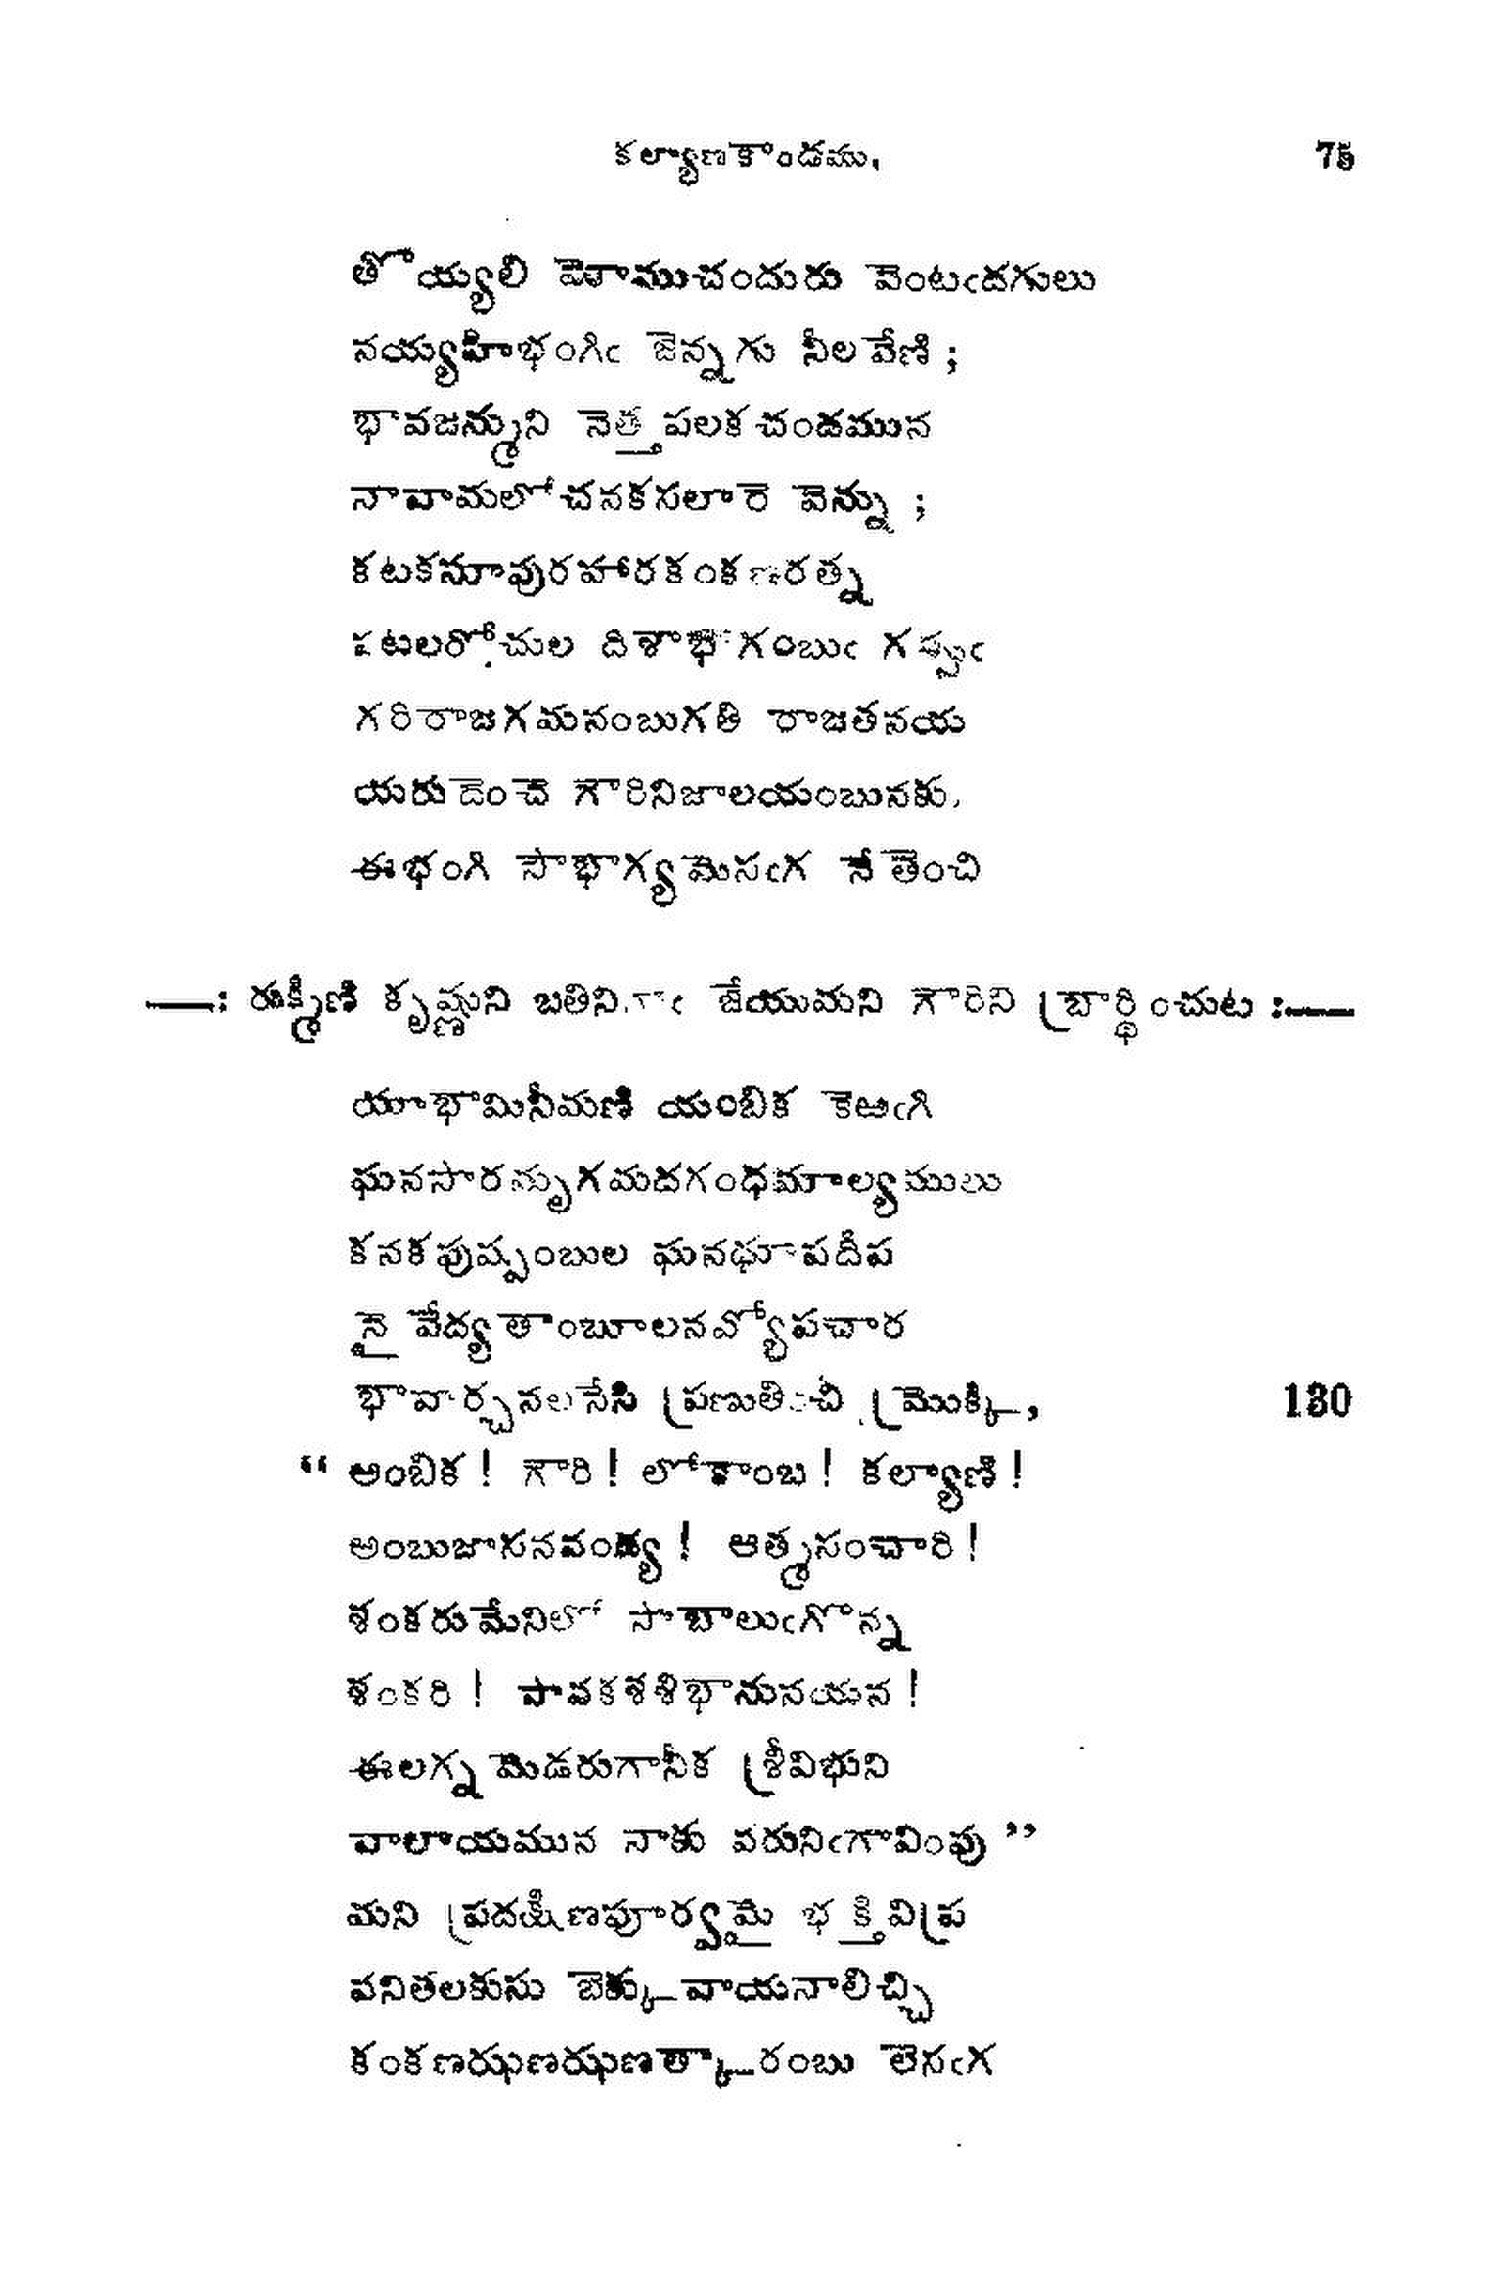తొయ్యలిమోము చందురువెంటఁ దగులు
నయ్యహిభంగిఁ జెన్నగు నీలవేణి;
భావజన్ముని నెత్త పలకచందమున
నావామలోచనకసలారె వెన్ను;
కటకనూపురహారకంకణరత్న
పటలరోచుల దిశాభాగంబుఁ గప్పు
గరిరాజుగమనంబుగతి రాజతనయ
యరు డెంచే గౌరినిజాలయంబునకు
ఈభంగి సౌభాగ్య మెసఁగ నేతెంచి

యాభామినీమణి యంబిక కెఱఁగి
ఘనసారమృగమదగంధమాల్యములు
కనకపుష్పంబుల ఘనధూపదీప
నైవేద్యతాంబూలనవ్యోపచార
భావార్చనల సేసి ప్రణుతించి మ్రొక్కి,
“అంబిక! గౌరి! లోకాంబ! కల్యాణి!
అంబుజాసనవంద్య! ఆత్మసంచారి!
శంకరుమేనిలో సాబాలుఁగొన్న
శంకరి! పావకశశిభానునయన!
ఈ లగ్న మెడరుగానీక శ్రీవిభుని
వాలాయమున నాకు వరునిఁ గావింపు”
మని ప్రదక్షిణపూర్వమై భక్తి విప్ర
వనితలకును బెక్కువాయనా లిచ్చి
కంకణఝణఝణత్కారంబు లెసఁగ